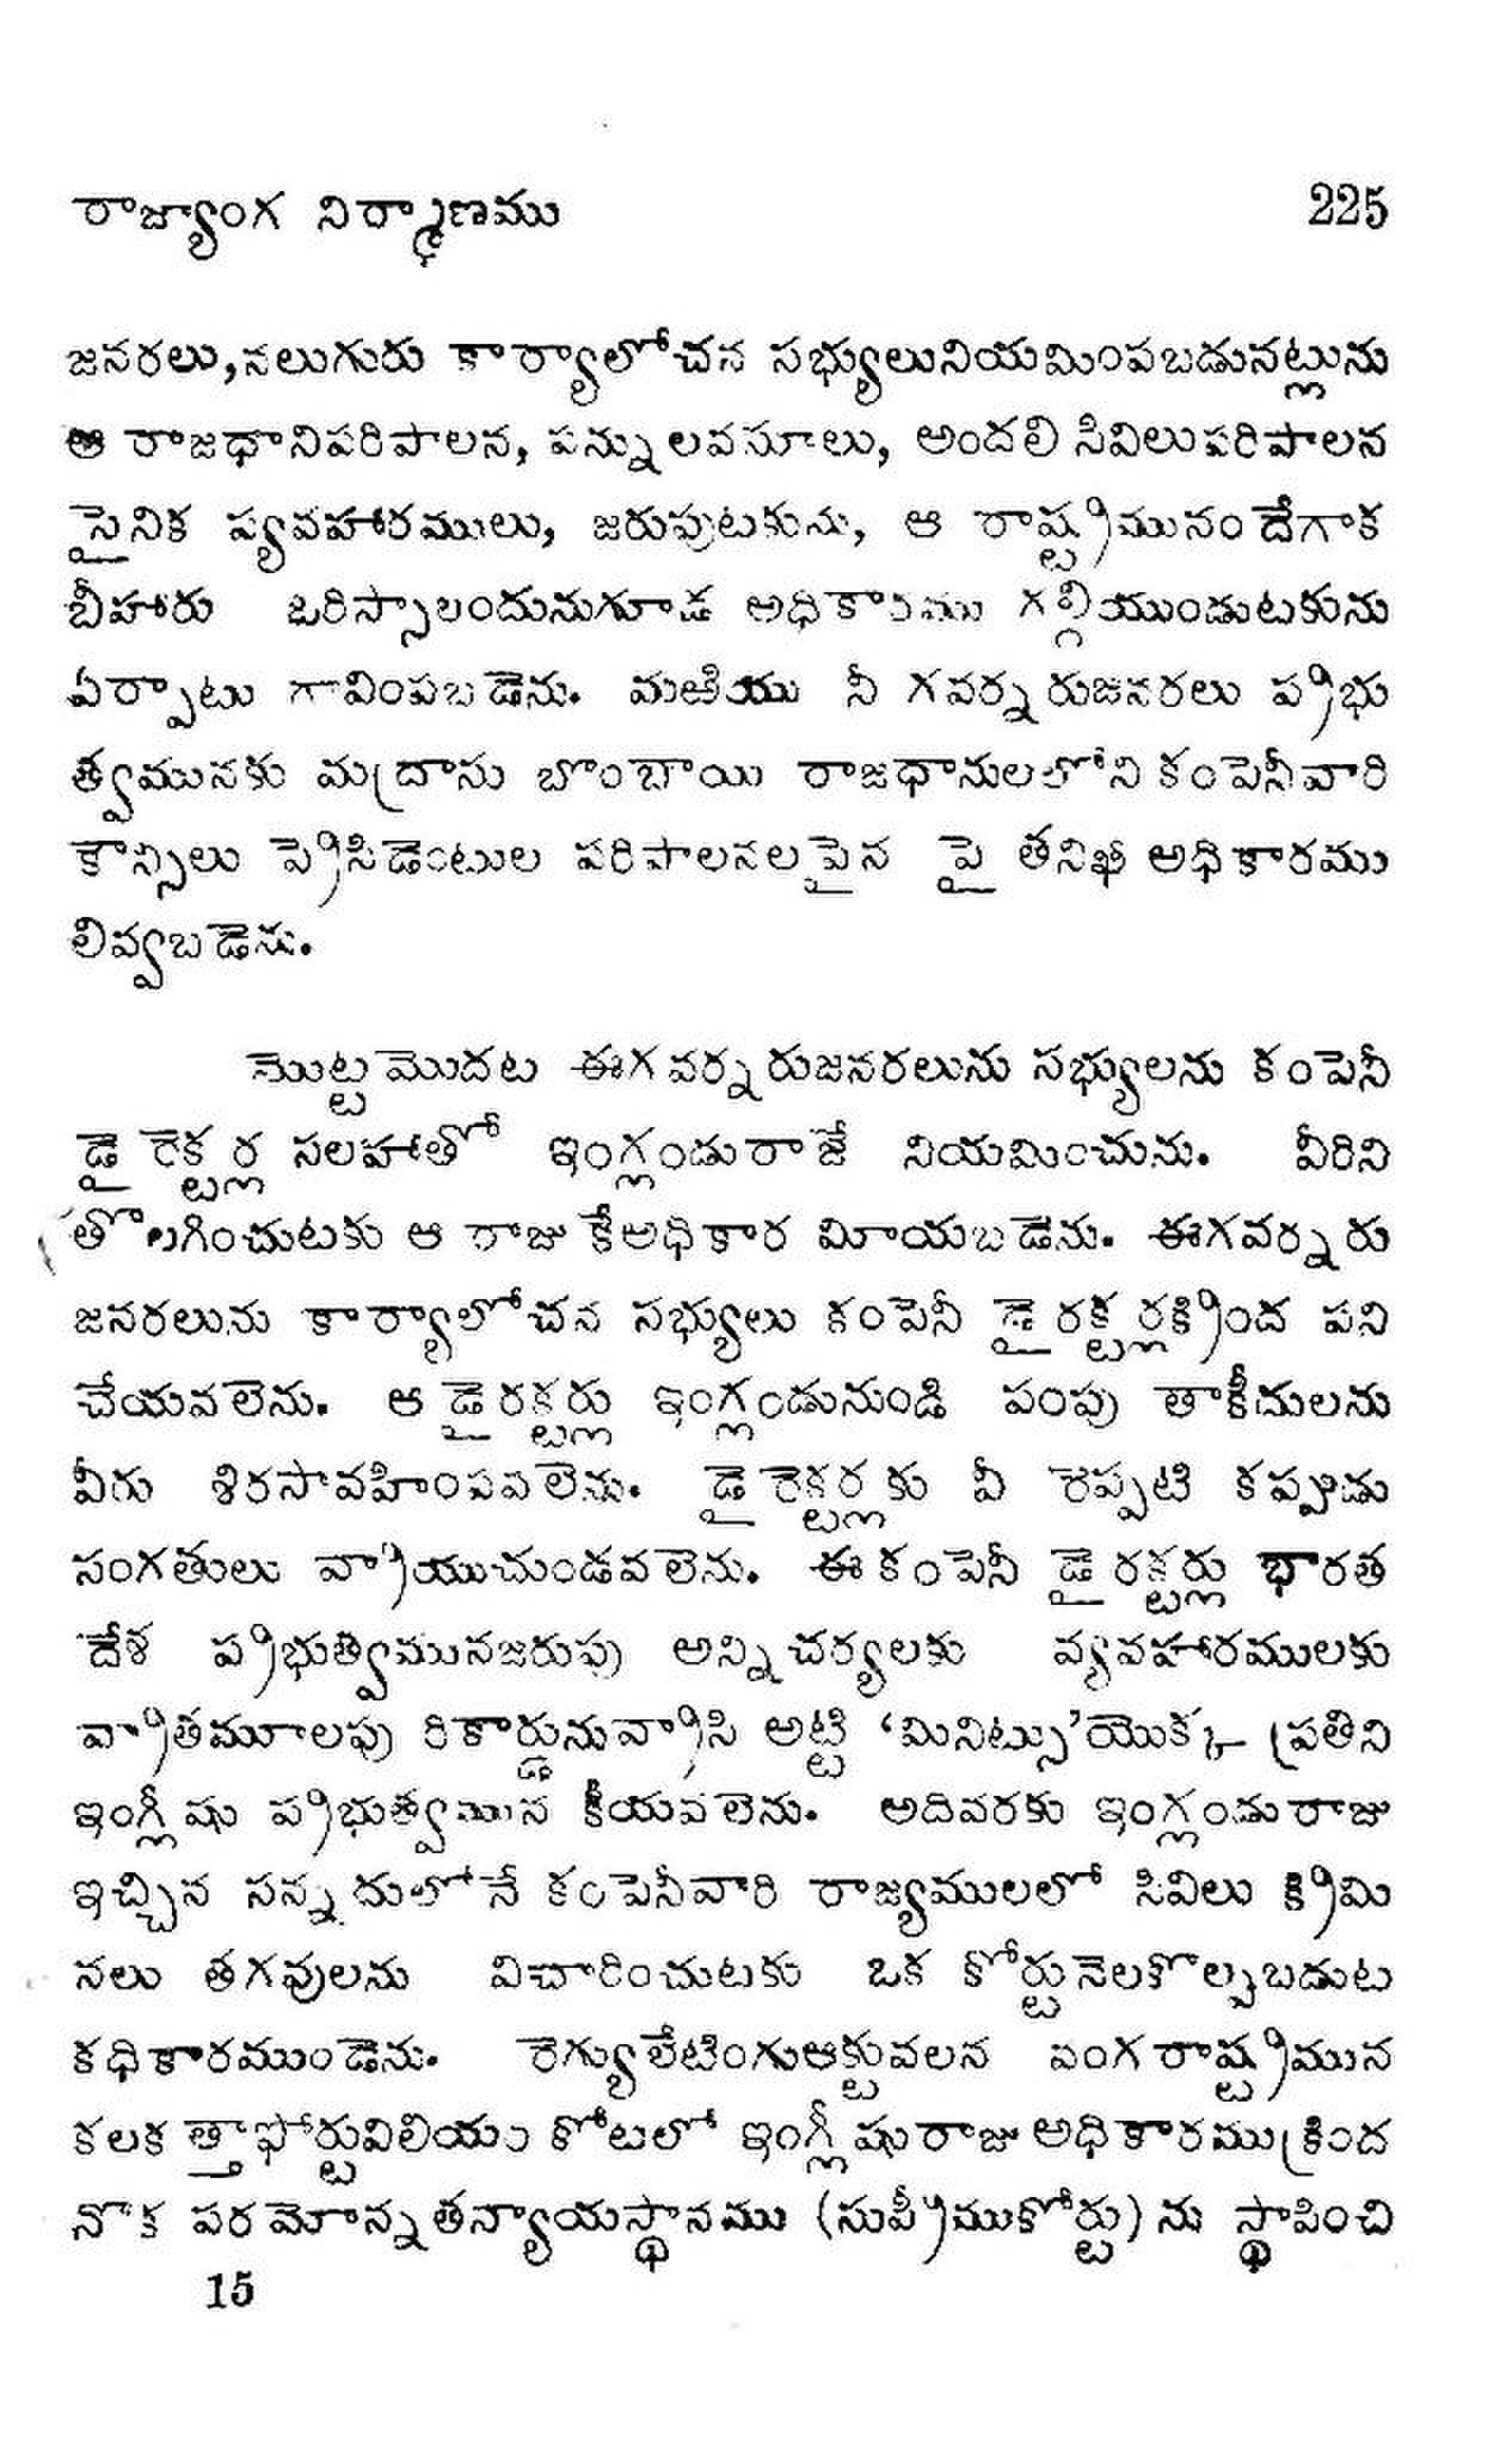జనరలు, నలుగురు కార్యాలోచన సభ్యులునియమింపబడునట్లును ఆ రాజధానిపరిపాలన, పన్నులవసూలు, అందలి సివిలుపరిపాలన సైనిక వ్యవహారములు, జరుపుటకును, ఆ రాష్ట్రమునందేగాక బీహారు ఒరిస్సాలందునుగూడ అధికారము గల్గియుండుటకును ఏర్పాటు గావింపబడెను. మఱియు నీ గవర్నరుజనరలు ప్రభుత్వమునకు మద్రాసు బొంబాయి రాజధానులలోని కంపెనీవారి కౌన్సిలు ప్రెసిడెంటుల పరిపాలనలపైన పై తనిఖీ అధికారము లివ్వబడెను.

మొట్టమొదట ఈగవర్నరుజనరలును సభ్యులను కంపెనీ డైరెక్టర్ల సలహాతో ఇంగ్లండురాజే నియమించును. వీరిని తొలగించుటకు ఆ రాజుకేఅధికార మీయబడెను. ఈగవర్నరు జనరలును కార్యాలోచన సభ్యులు కంపెనీ డైరక్టర్లక్రింద పని చేయవలెను. ఆ డైరక్టర్లు ఇంగ్లండునుండి పంపు తాకీదులను వీరు శిరసావహింపవలెను. డైరెక్టర్లకు వీ రెప్పటి కప్పుడు సంగతులు వ్రాయుచుండవలెను. ఈ కంపెనీ డైరక్టర్లు భారతదేశ ప్రభుత్వమునజరుపు అన్ని చర్యలకు వ్యవహారములకు వ్రాతమూలపు రికార్డునువ్రాసి అట్టి 'మినిట్సు' యొక్క ప్రతిని ఇంగ్లీషు ప్రభుత్వమున కీయవలెను. అదివరకు ఇంగ్లండురాజు ఇచ్చిన సన్నదులోనే కంపెనీవారి రాజ్యములలో సివిలు క్రిమినలు తగవులను విచారించుటకు ఒక కోర్టు నెలకొల్పబడుట కధికారముండెను. రెగ్యులేటింగుఆక్టువలన వంగరాష్ట్రమున కలకత్తాఫోర్టువిలియం కోటలో ఇంగ్లీషురాజు అధికారముక్రింద నొక పరమోన్నతన్యాయస్థానము (సుప్రీముకోర్టు) ను స్థాపించి